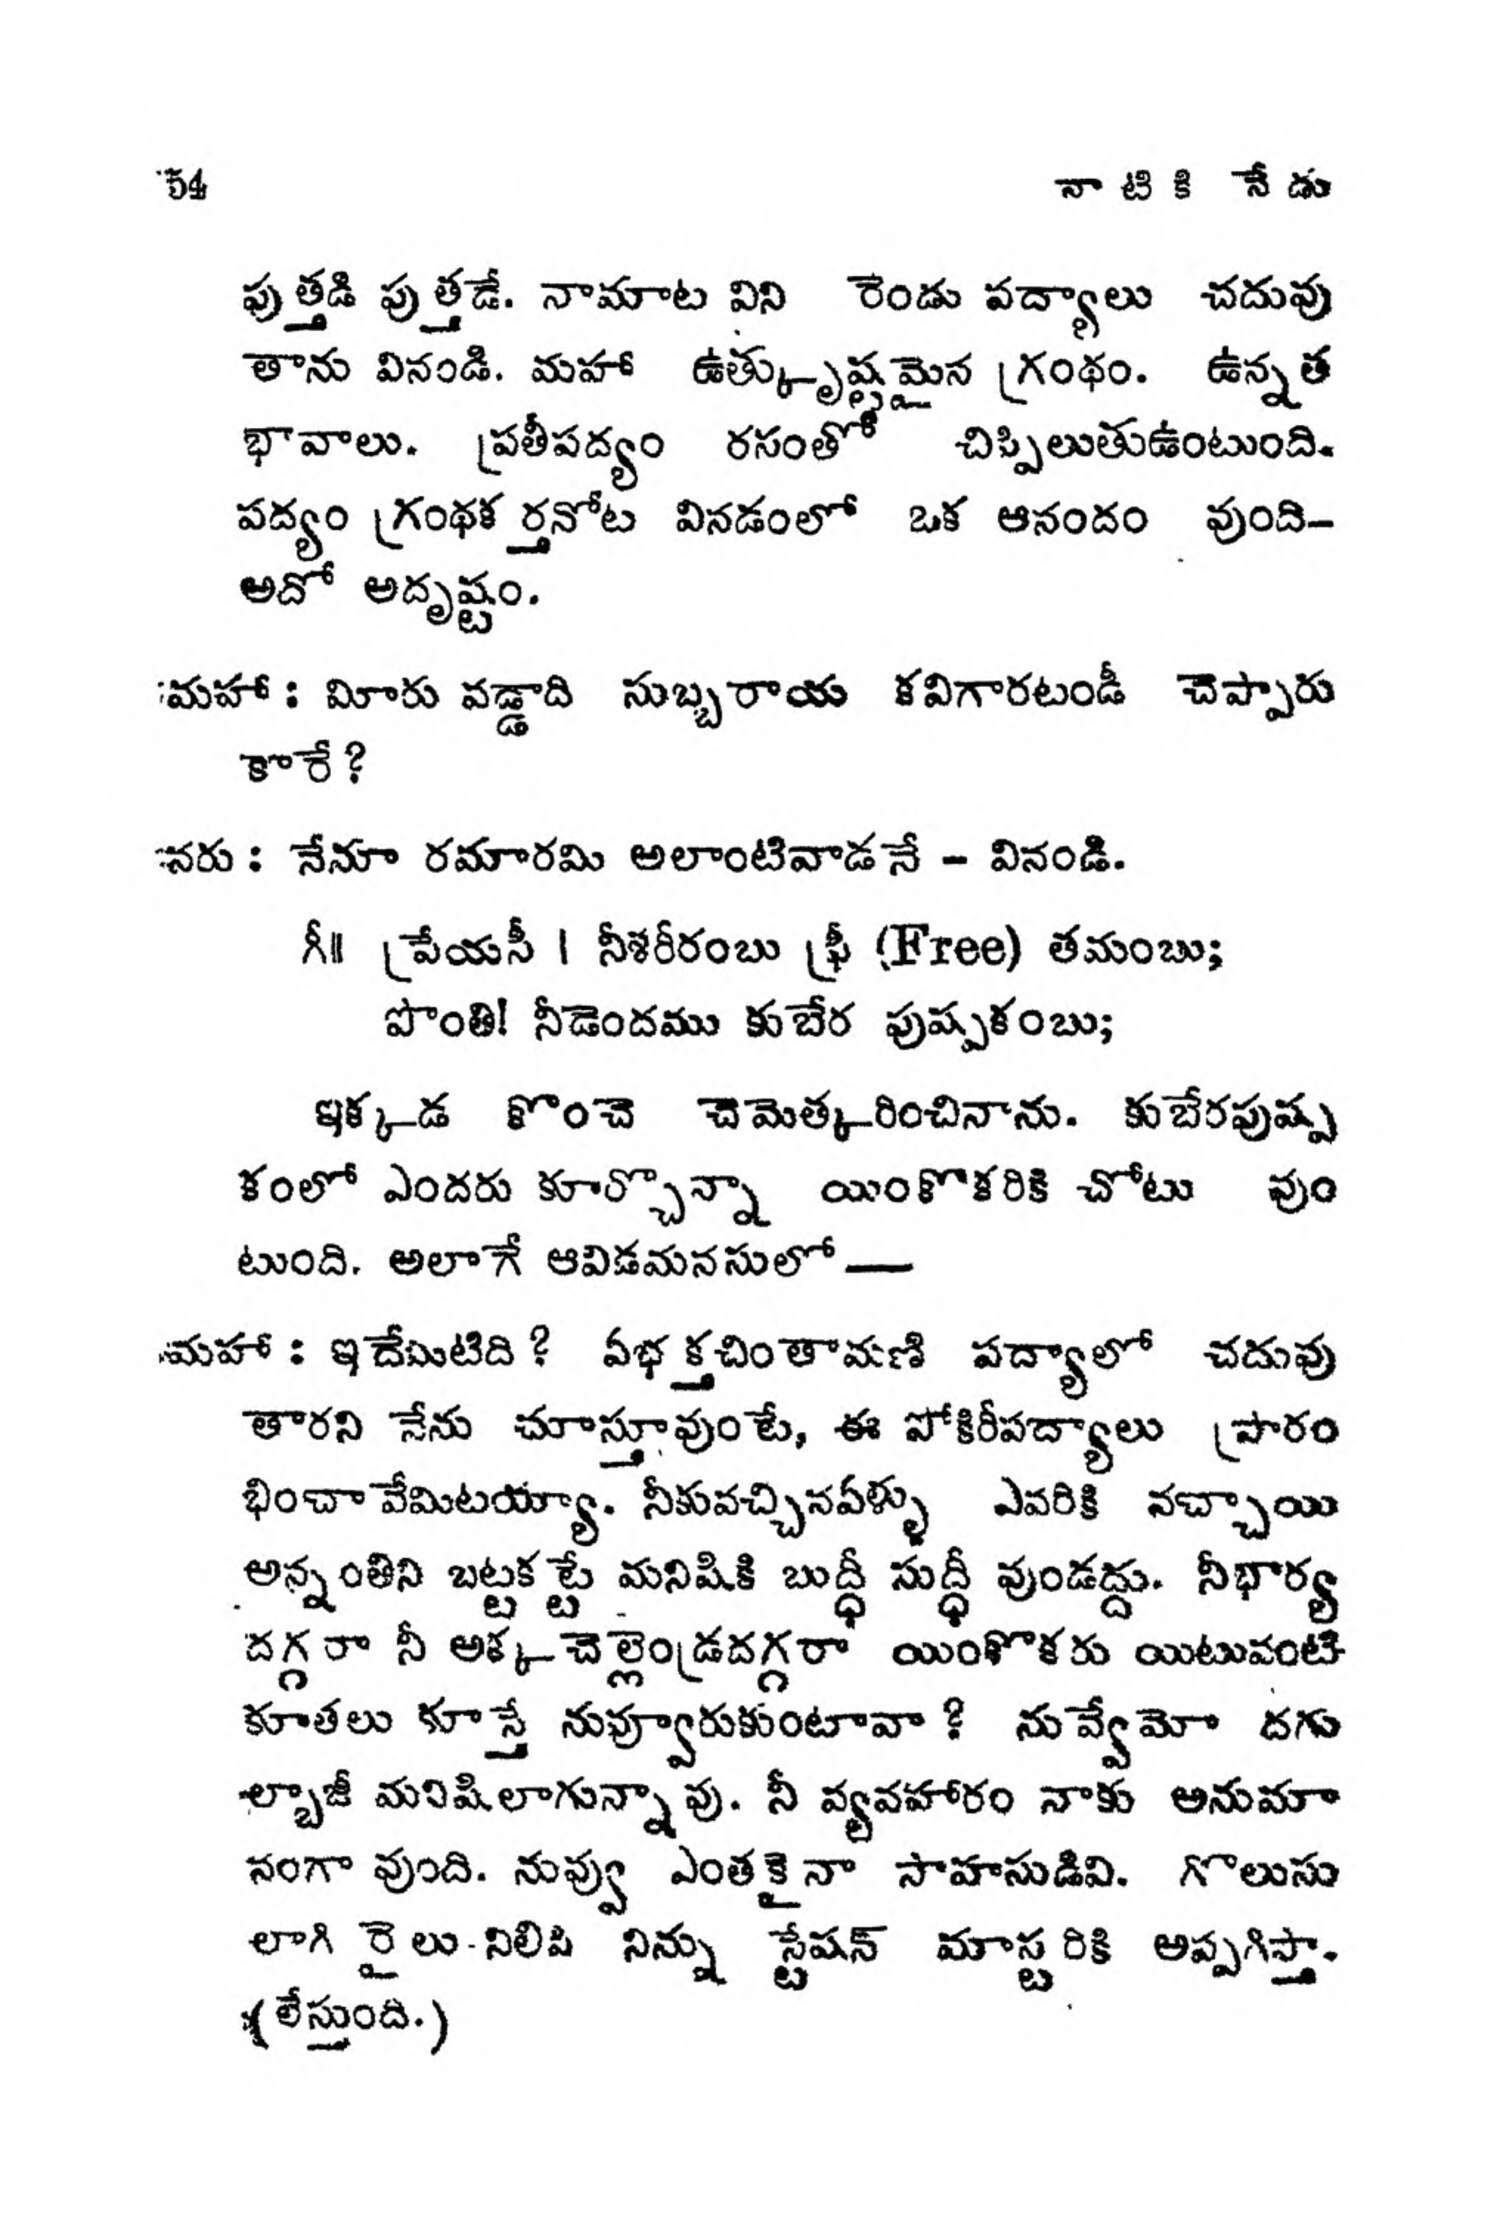పుత్తడి పుత్తడే. నామాట విని రెండు పద్యాలు చదువుతాను వినండి. మహా ఉత్కుృష్టమైన గ్రంథం. ఉన్నత భావాలు. ప్రతీపద్యం రసంతో చిప్పిలుతుఉంటుంది. పద్యం గ్రంథకర్తనోట వినడంలో ఒక ఆనందం వుంది - అదో అదృష్టం.

మహా : మీరు వడ్డాది సుబ్బరాయ కవిగారటండీ చెప్పారు కారే ?

నరు : నేనూ రమారమి అలాంటివాడనే - వినండి.

గీ॥ ప్రేయసీ | నీశరీరంబు ఫ్రీ (Free) తమంబు;
 పొంతి! నీడెందము కుబేర పుష్పకంబు;

ఇక్కడ కొంచె చెమెత్కరించినాను. కుబేరపుష్పకంలో ఎందరు కూర్చొన్నా యింకొకరికి చోటు వుంటుంది. అలాగే ఆవిడమనసులో -

మహా : ఇదేమిటిది? ఏభక్తచింతామణి పద్యాలో చదువుతారని నేను చూస్తూవుంటే, ఈ పోకిరీపద్యాలు ప్రారంభించావేమిటయ్యా. నీకువచ్చినఏళ్ళు ఎవరికి వచ్చాయి అన్నంతిని బట్టకట్టే మనిషికి బుద్ధి సుద్ధీ వుండద్దు. నీభార్యదగ్గరా నీ అక్కచెల్లెండ్రదగ్గరా యింకొకరు యిటువంటి కూతలు కూస్తే నువ్వూరుకుంటావా? నువ్వేమో దగుల్బాజీ మనిషిలాగున్నావు. నీ వ్యవహారం నాకు అనుమానంగా వుంది. నువ్వు ఎంతకైనా సాహసుడివి. గొలుసులాగి రైలు నిలిపి నిన్ను స్టేషన్ మాస్టరికి అప్పగిస్తా. ( లేస్తుంది.)